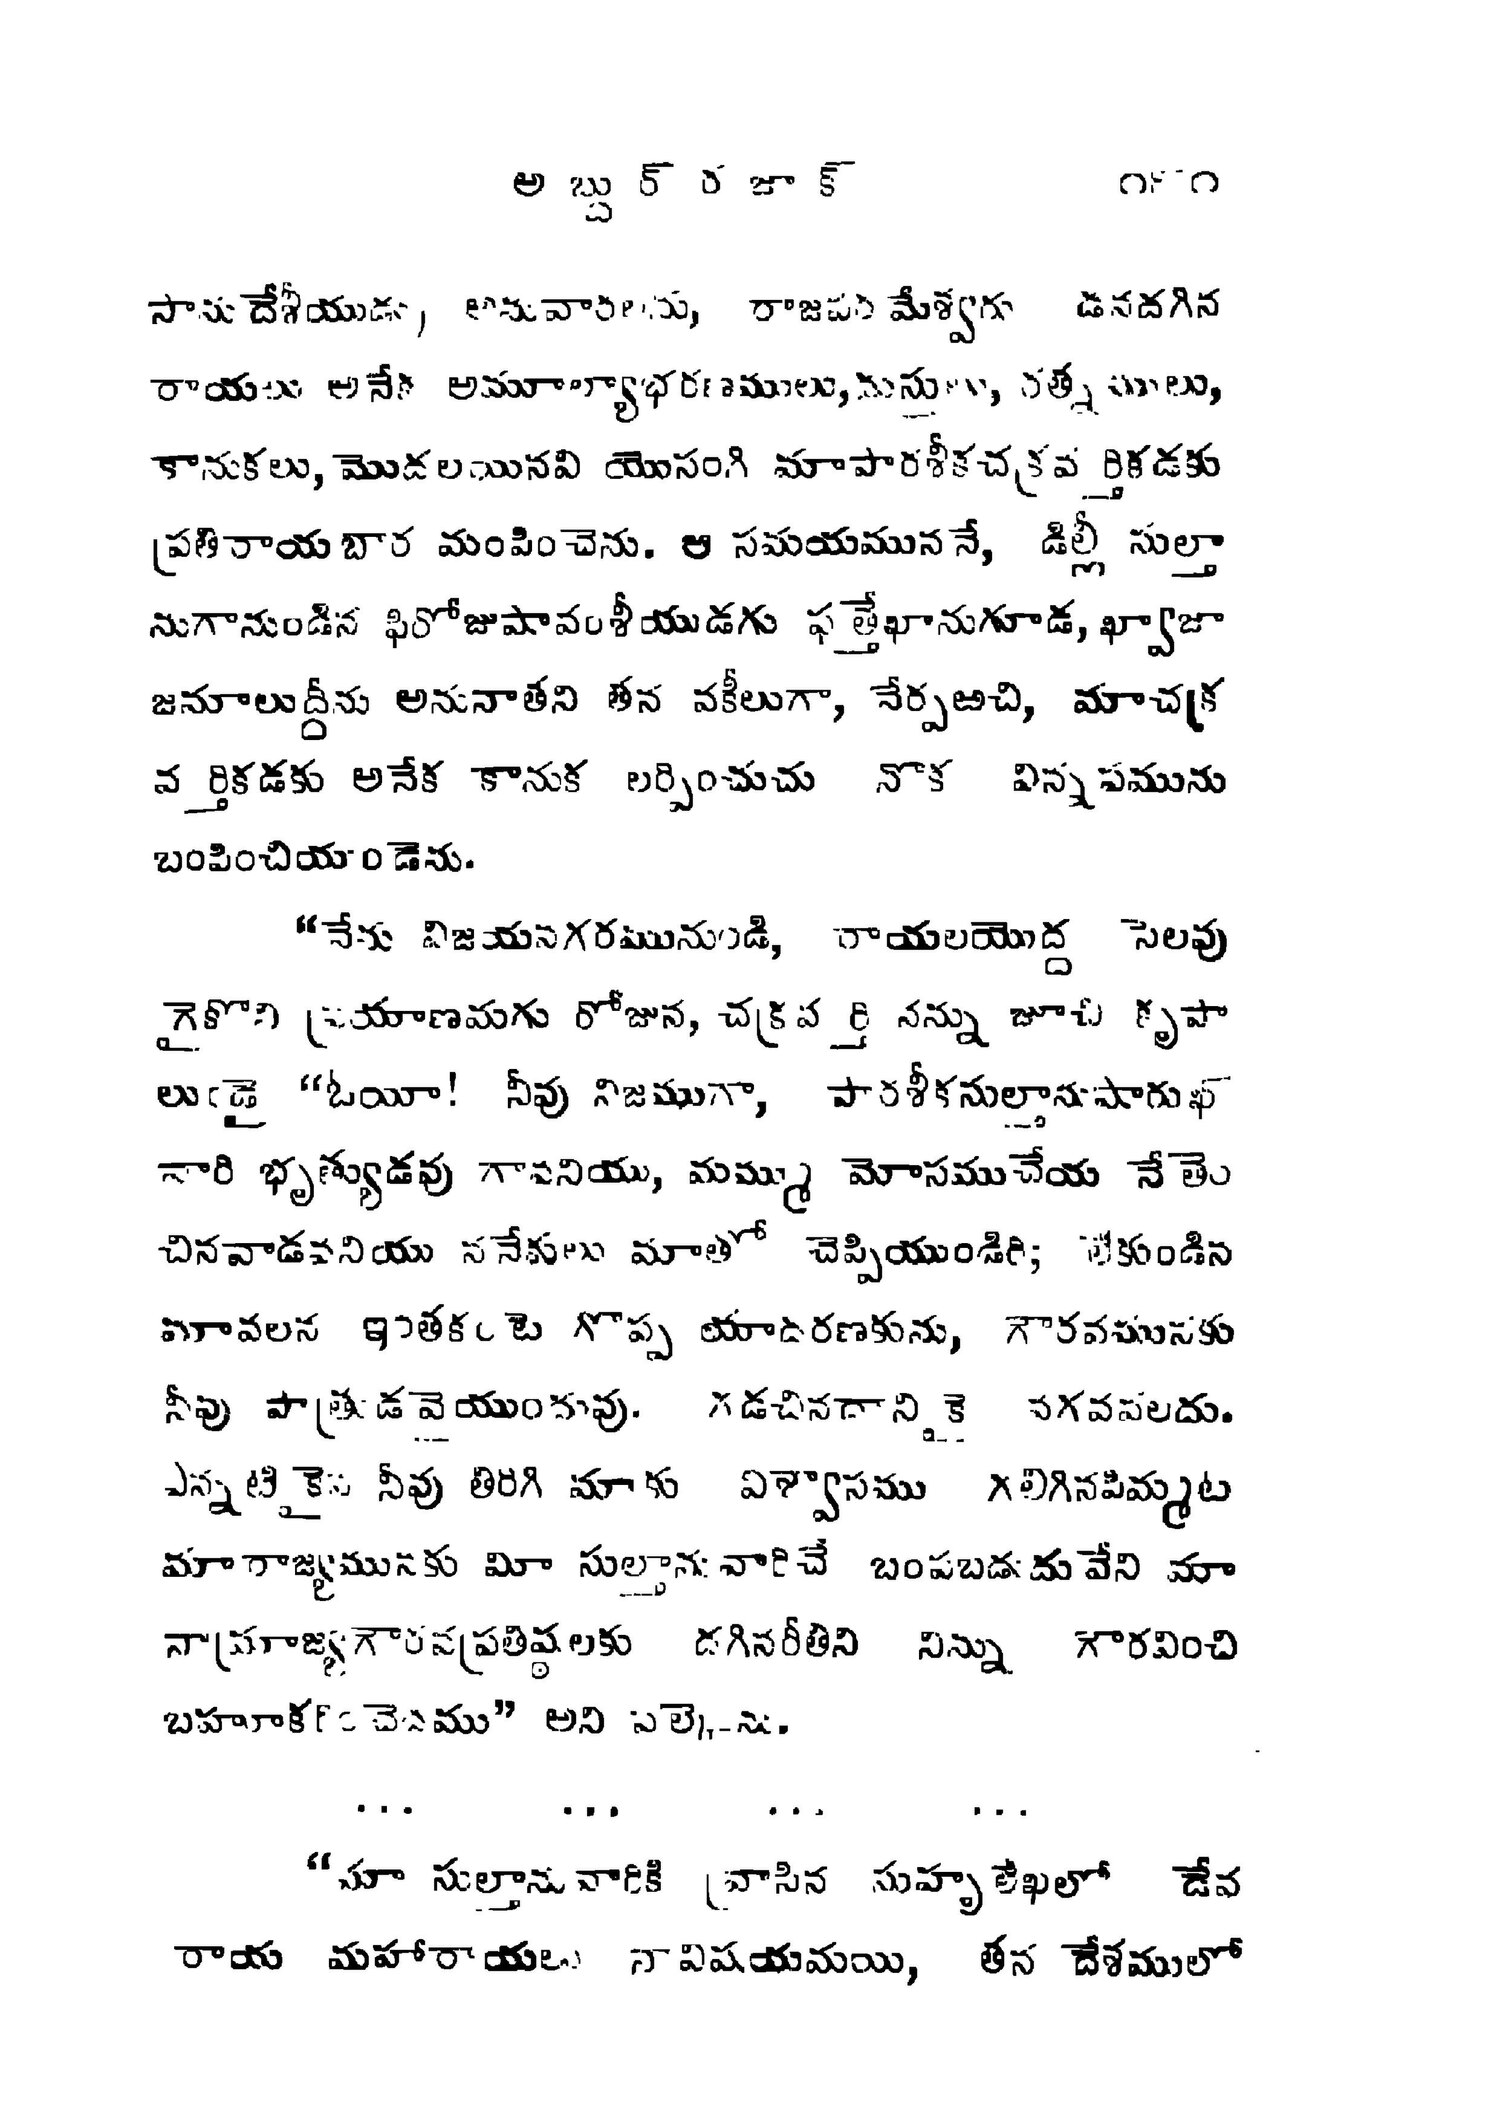సానుదేశీయుడు, అనువారలను, రాజపరమేశ్వరు డనదగిన రాయలు అనేక అమూల్యాభరణములు, దుస్తులు, రత్నములు, కానుకలు, మొదలయినవి యొసంగి మాపారశీక చక్రవర్తికడకు ప్రతిరాయబార మంపించెను. ఆ సమయముననే, డిల్లీ సుల్తానుగానుండిన ఫిరోజుషావంశీయుడగు ఫతేఖానుగూడ, ఖ్వాజాజమాలుద్దీను అనునాతని తన వకీలుగా, నేర్పఱచి, మాచక్రవర్తికడకు అనేక కానుక లర్పించుచు నొక విన్నపమును బంపించియుండెను.

"నేను విజయనగరమునుండి, రాయలయొద్ద సెలవుగైకొని ప్రయాణమగు రోజున, చక్రవర్తి నన్ను జూచి కృపాలుడై "ఓయీ! నీవు నిజముగా, పారశీకసుల్తాను షారుఖ్ వారి భృత్యుడవు గావనియు, మమ్ము మోసముచేయ నేతెంచినవాడనియు ననేకులు మాతో చెప్పియుండిరి. లేకుండిన మావలన ఇంతకంటె గొప్ప యాదరణకును, గౌరవమునకు నీవు పాత్రుడవైయుందువు. గడచినదానికై నగవవలదు. ఎన్నటికైన నీవు తిరిగి మాకు విశ్వాసము గలిగినపిమ్మట మారాజ్యమునకు మీ సుల్తానువారిచే బంపబడుదువేని మా సామ్రాజ్యగౌరవప్రతిష్ఠలకు దగినరీతిని నిన్ను గౌరవించి బహూకరించెదము" అని పల్కెను.

"మా సుల్తానువారికి వ్రాసిన సుహృలేఖలో దేవరాయ మహారాయలు నావిషయమయి, తన దేశములో